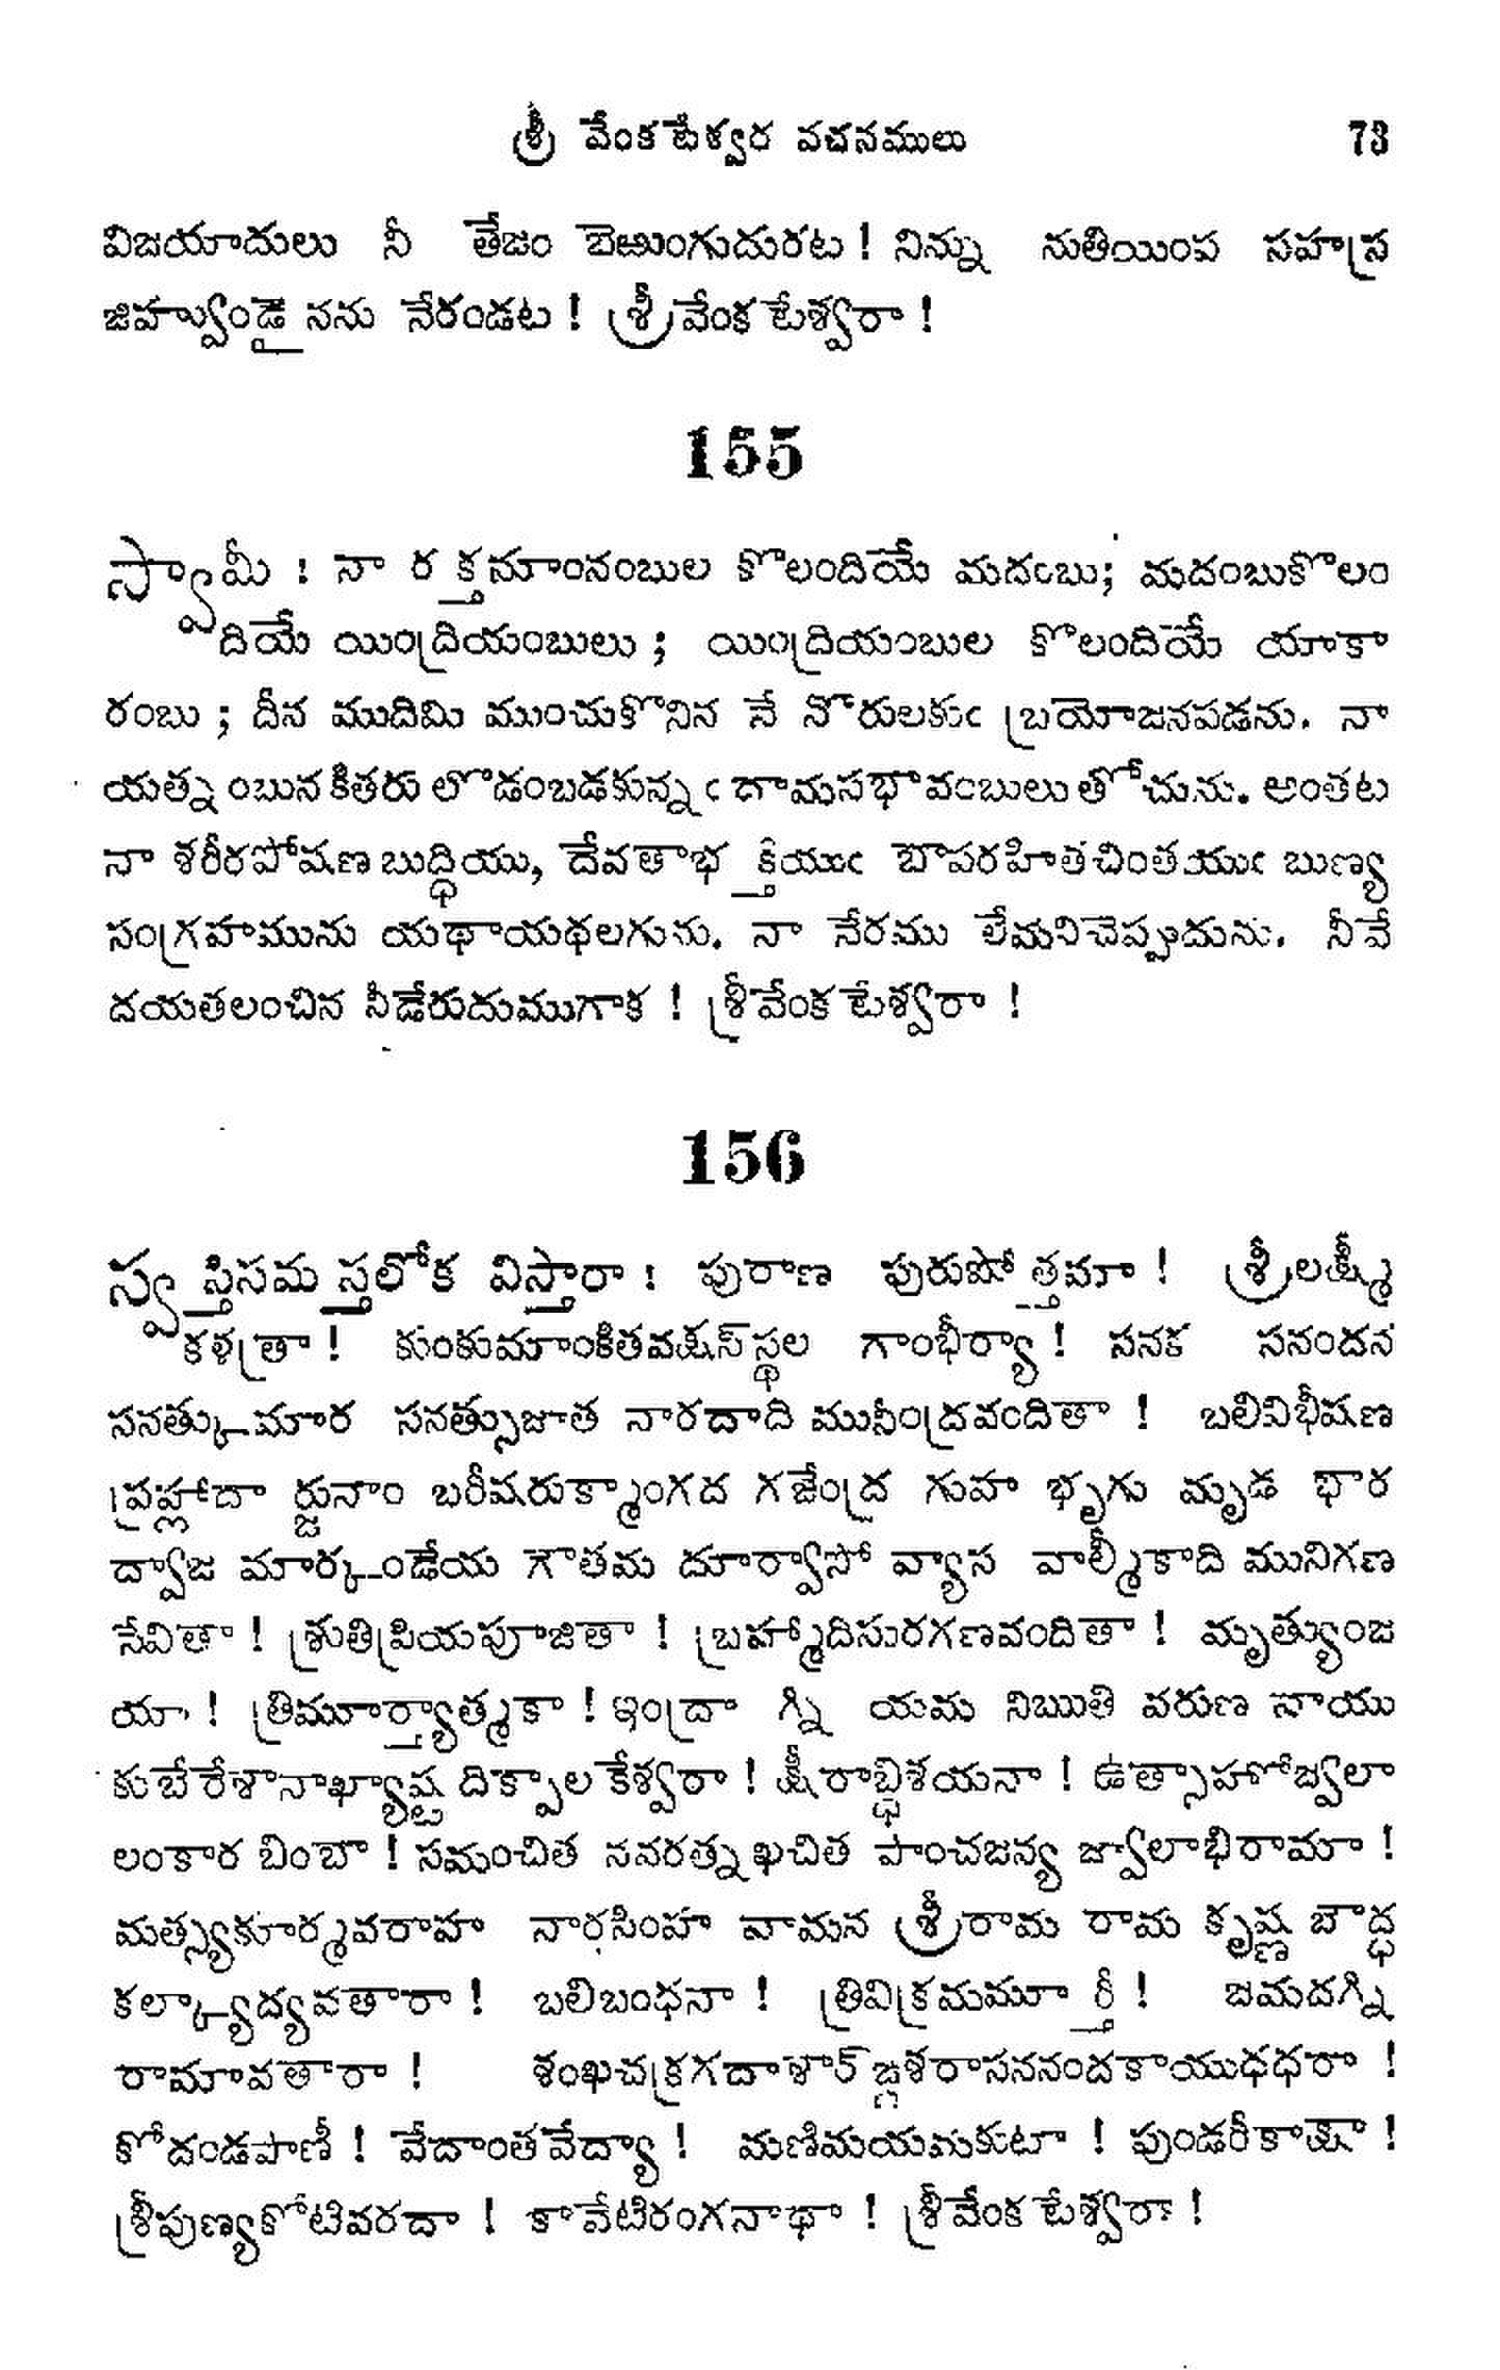విజయాదులు నీ తేజం బెఱుంగుదురట ! నిన్ను నుతియింప సహస్ర జిహ్వుండై నను నేరండట ! శ్రీ వేంకటేశ్వరా !

155 

 ! నా ర క్తమాంనంబుల కొలందియే మదంబు; మదంబుకొలం
దియే యింద్రియంబులు ; యింద్రియంబుల కొలందియే యాకా రంబు ; దీన ముదిమి ముంచుకొనిన నే నొరులకుఁ బ్రయోజనపడను. నా యత్నంబున కితరు లొడంబడకున్నఁ దామసభావంబులు తోచును. అంతట నా శరీరపోషణ బుద్దియు, దేవతాభ క్తియఁ బాపరహిత చింతయుఁ బుణ్య సంగ్రహమును యథాయథలగును. నా నేరము లేమని చెప్పుదును. నీవే దయతలంచిన నీడేరుదుముగాక ! శ్రీవేంకటేశ్వరా !

156 

 ! పురాణ పురుషో త్తమా ! శ్రీలక్ష్మి కళత్రా! కుంకుమాంకితవక్షస్ స్థల గాంభీర్యా ! సనక సనందన సనత్కుమార సనత్సుజాత నారదాది మునీంద్రవందితా ! బలివిభీషణ ప్రహ్లాదా ర్జునాం బరీషరుక్మాంగద గజేంద్ర గుహ భృగు మృడ భారద్వాజ మార్కండేయ గౌతమ దూర్వాసో వ్యాస వాల్మీకాది మునిగణ సేవితా ! శ్రుతిప్రియపూజితా ! బ్రహ్మాదిసురగణవందితా ! మృత్యుంజ యా ! త్రిమూర్త్యాత్మకా ! ఇంద్రా గ్ని యమ నిఋతి వరుణ వాయు 'కుబేరేశానా ఖ్యాష్త దిక్పాల కేశ్వరా ! క్షీరాబ్ధిశయనా ! ఉత్సాహోజ్వలా లంకార బింబా ! సమంచిత నవరత్న ఖచిత పాంచజన్య జ్వాలాభిరామా ! మత్స్యకూర్మవరాహ నారసింహ వామన శ్రీరామ రామ కృష్ణ బౌద్ధ కల్క్యా ద్యవతారా ! బలిబంధనా ! త్రివిక్రమమూర్తీ !! జమదగ్ని రామావతారా ! శంఖచక్రగదాశార్ జ్గశరాసననందకాయుధధరా ! కోదండపాణీ ! 'వేదాంత విద్యా ! మణిమయమకుటా ! పుండరీకాక్షా ! శ్రీపుణ్యకోటివరదా ! కావేటిరంగనాథా ! శ్రీ వేంకటేశ్వరా !